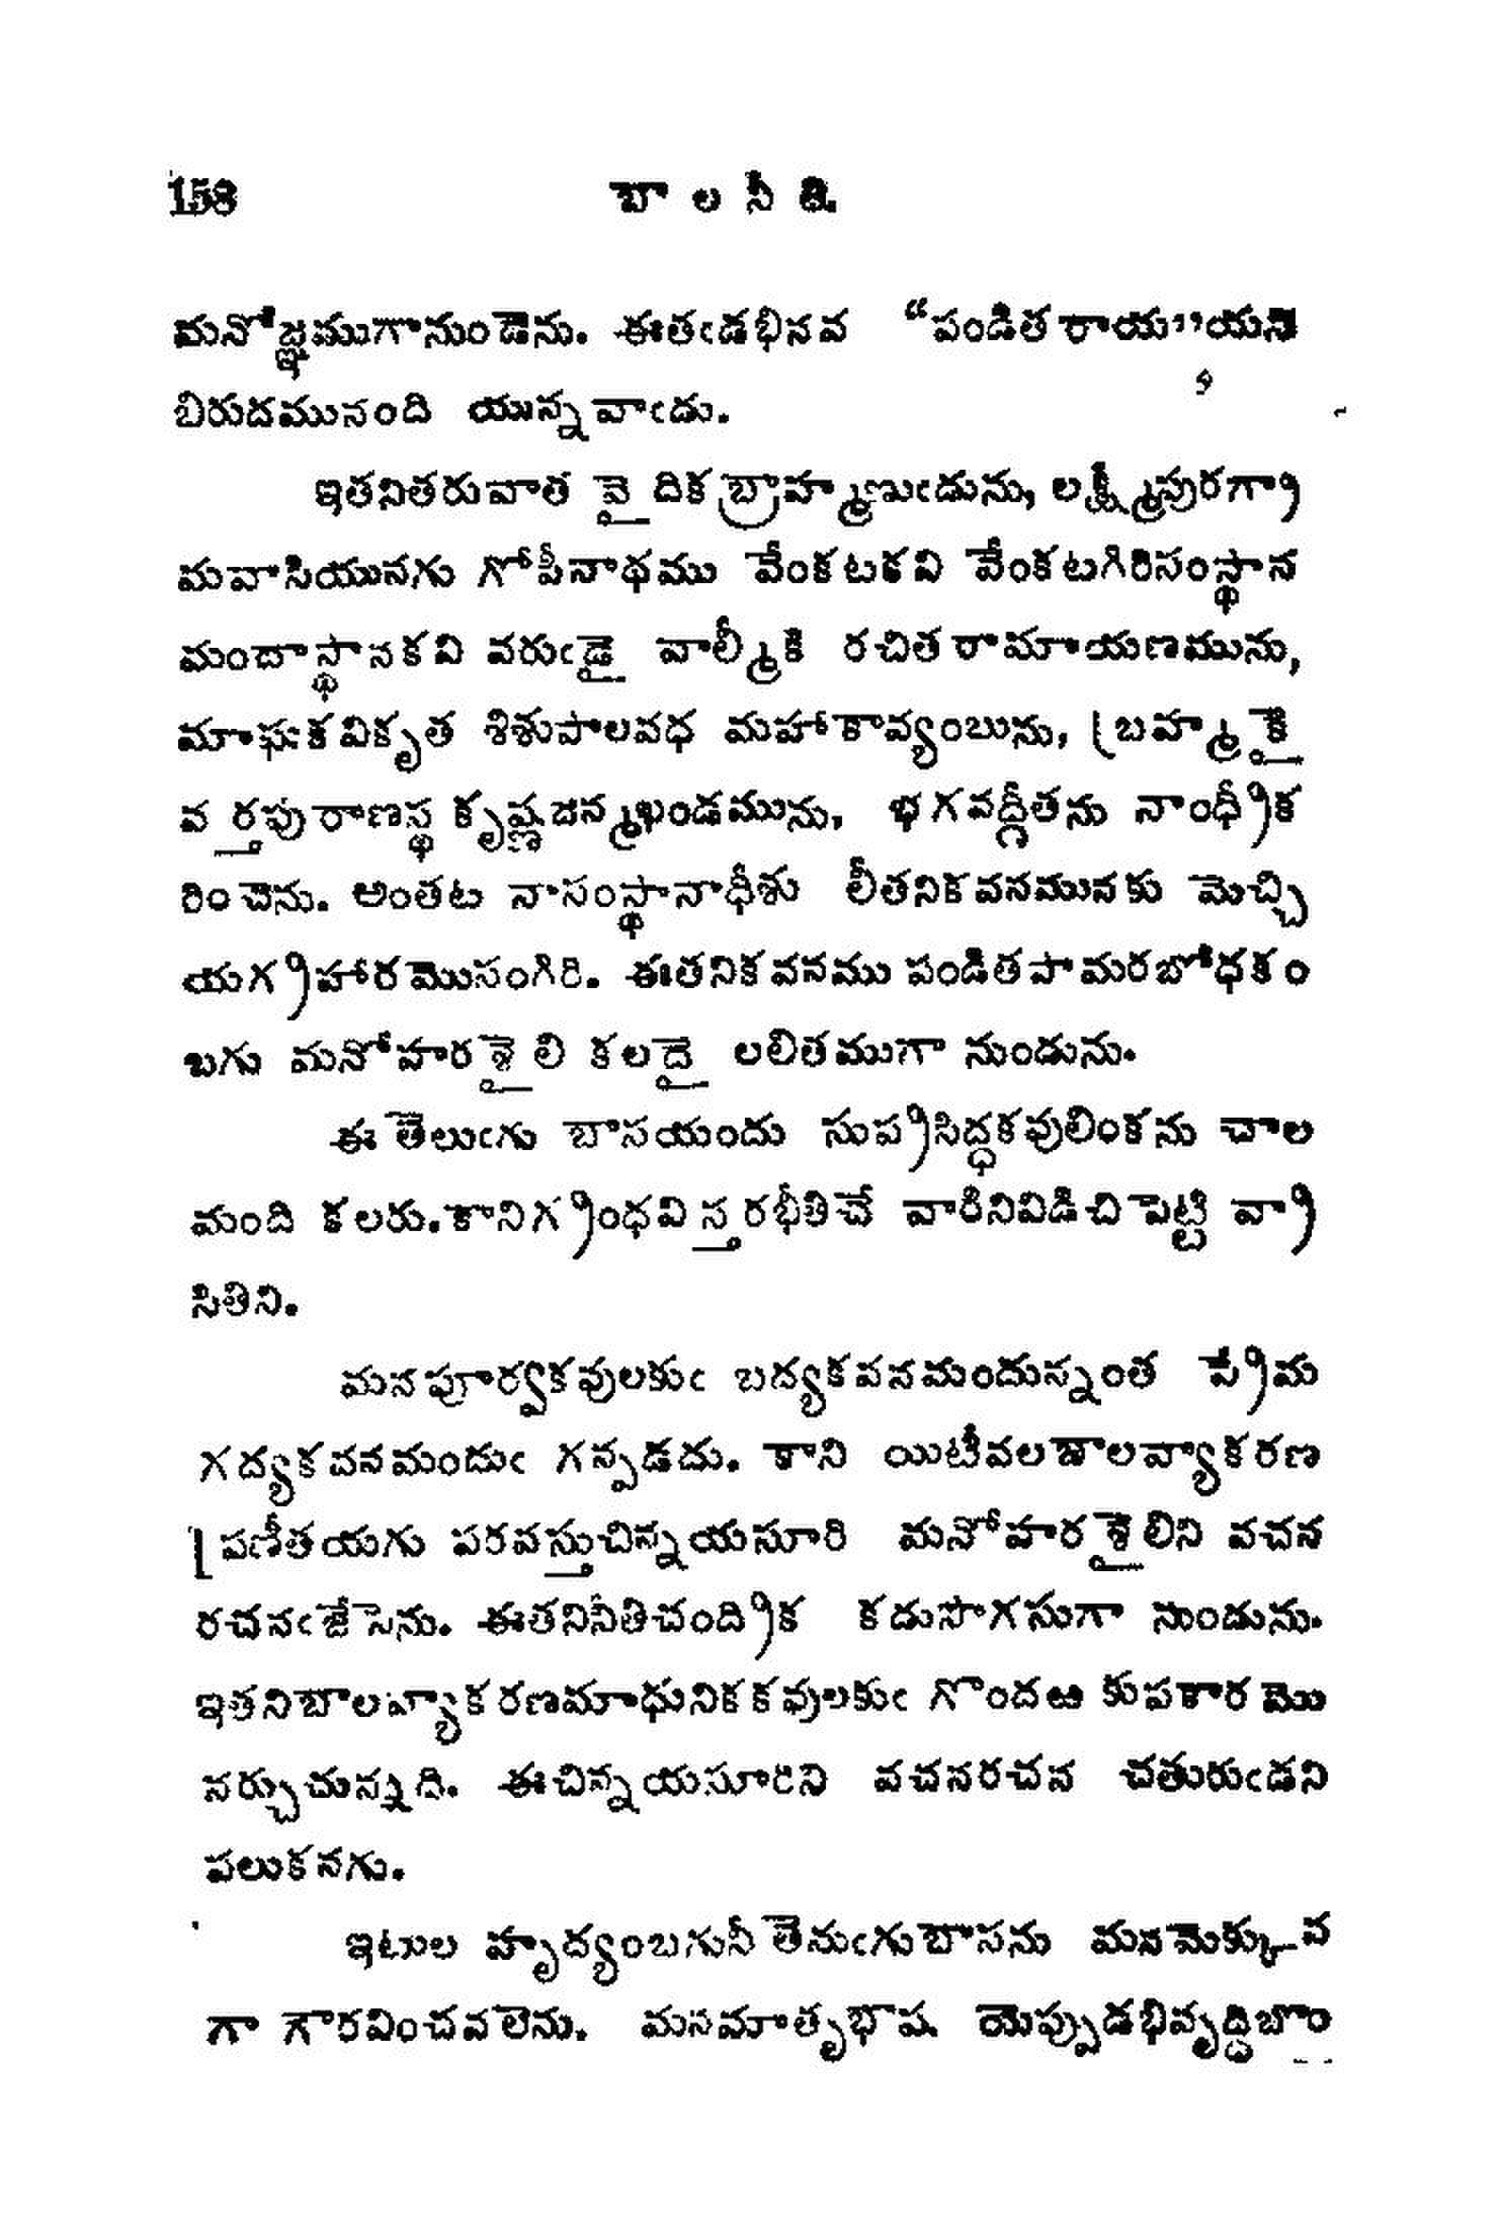మనోజ్ఞముగానుండెను. ఈతఁడభినవ "పండితరాయ"యని 
బిరుదమునంది యున్నవాఁడు.

ఇతనితరువాత వైదికబ్రాహ్మణుఁడును, లక్ష్మీపురగ్రా
మవాసియునగు గోపీనాథము వేంకటకవి వేంకటగిరిసంస్థాన
మందాస్థానకవి వరుఁడై వాల్మీకి రచితరామాయణమును, 
మాఘకవికృత శిశుపాలవధ మహాకావ్యంబును, బ్రహ్మకై
వర్తపురాణస్థ కృష్ణజన్మఖండమును, భగవద్గీతను నాంద్రీక
రించెను. అంతట నాసంస్థానాధీశు లీతనికవనమునకు మెచ్చి 
యగ్రహారమొసంగిరి. ఈతనికవనము పండితపామరబోధకం
బగు మనోహరశైలి కలదై లలితముగా నుండును.

ఈతెలుఁగు బాసయందు సుప్రసిద్ధకవులింకను చాల 
మంది కలరు. కానిగ్రంధవిస్తరభీతిచే వారినివిడిచిపెట్టి వ్రా
సితిని.

మనపూర్వకవులకుఁ బద్యకవనమందున్నంత ప్రేమ 
గద్యకవనమందుఁ గన్పడదు. కాని యిటీవలబాలకావ్యాకరణ
ప్రణీతయగు పరవస్తుచిన్నయసూరి మనోహరశైలిని వచన
రచనఁజేసెను. ఈతనినీతిచంద్రిక కడుసొగసుగా నుండును. 
ఇతనిబాలవ్యాకరణమాధునికకవులకుఁ గొందఱ కుపకారమొ
నర్చుచున్నది. ఈచిన్నయసూరని వచనరచన చతురుఁడని 
పలుకనగు.

ఇటుల హృద్యంబగు నీతెనుఁగుబాసను మనమెక్కువ
గా గౌరవించవలెను. మనమాతృబాష యెప్పుడభివృద్ధిబొం